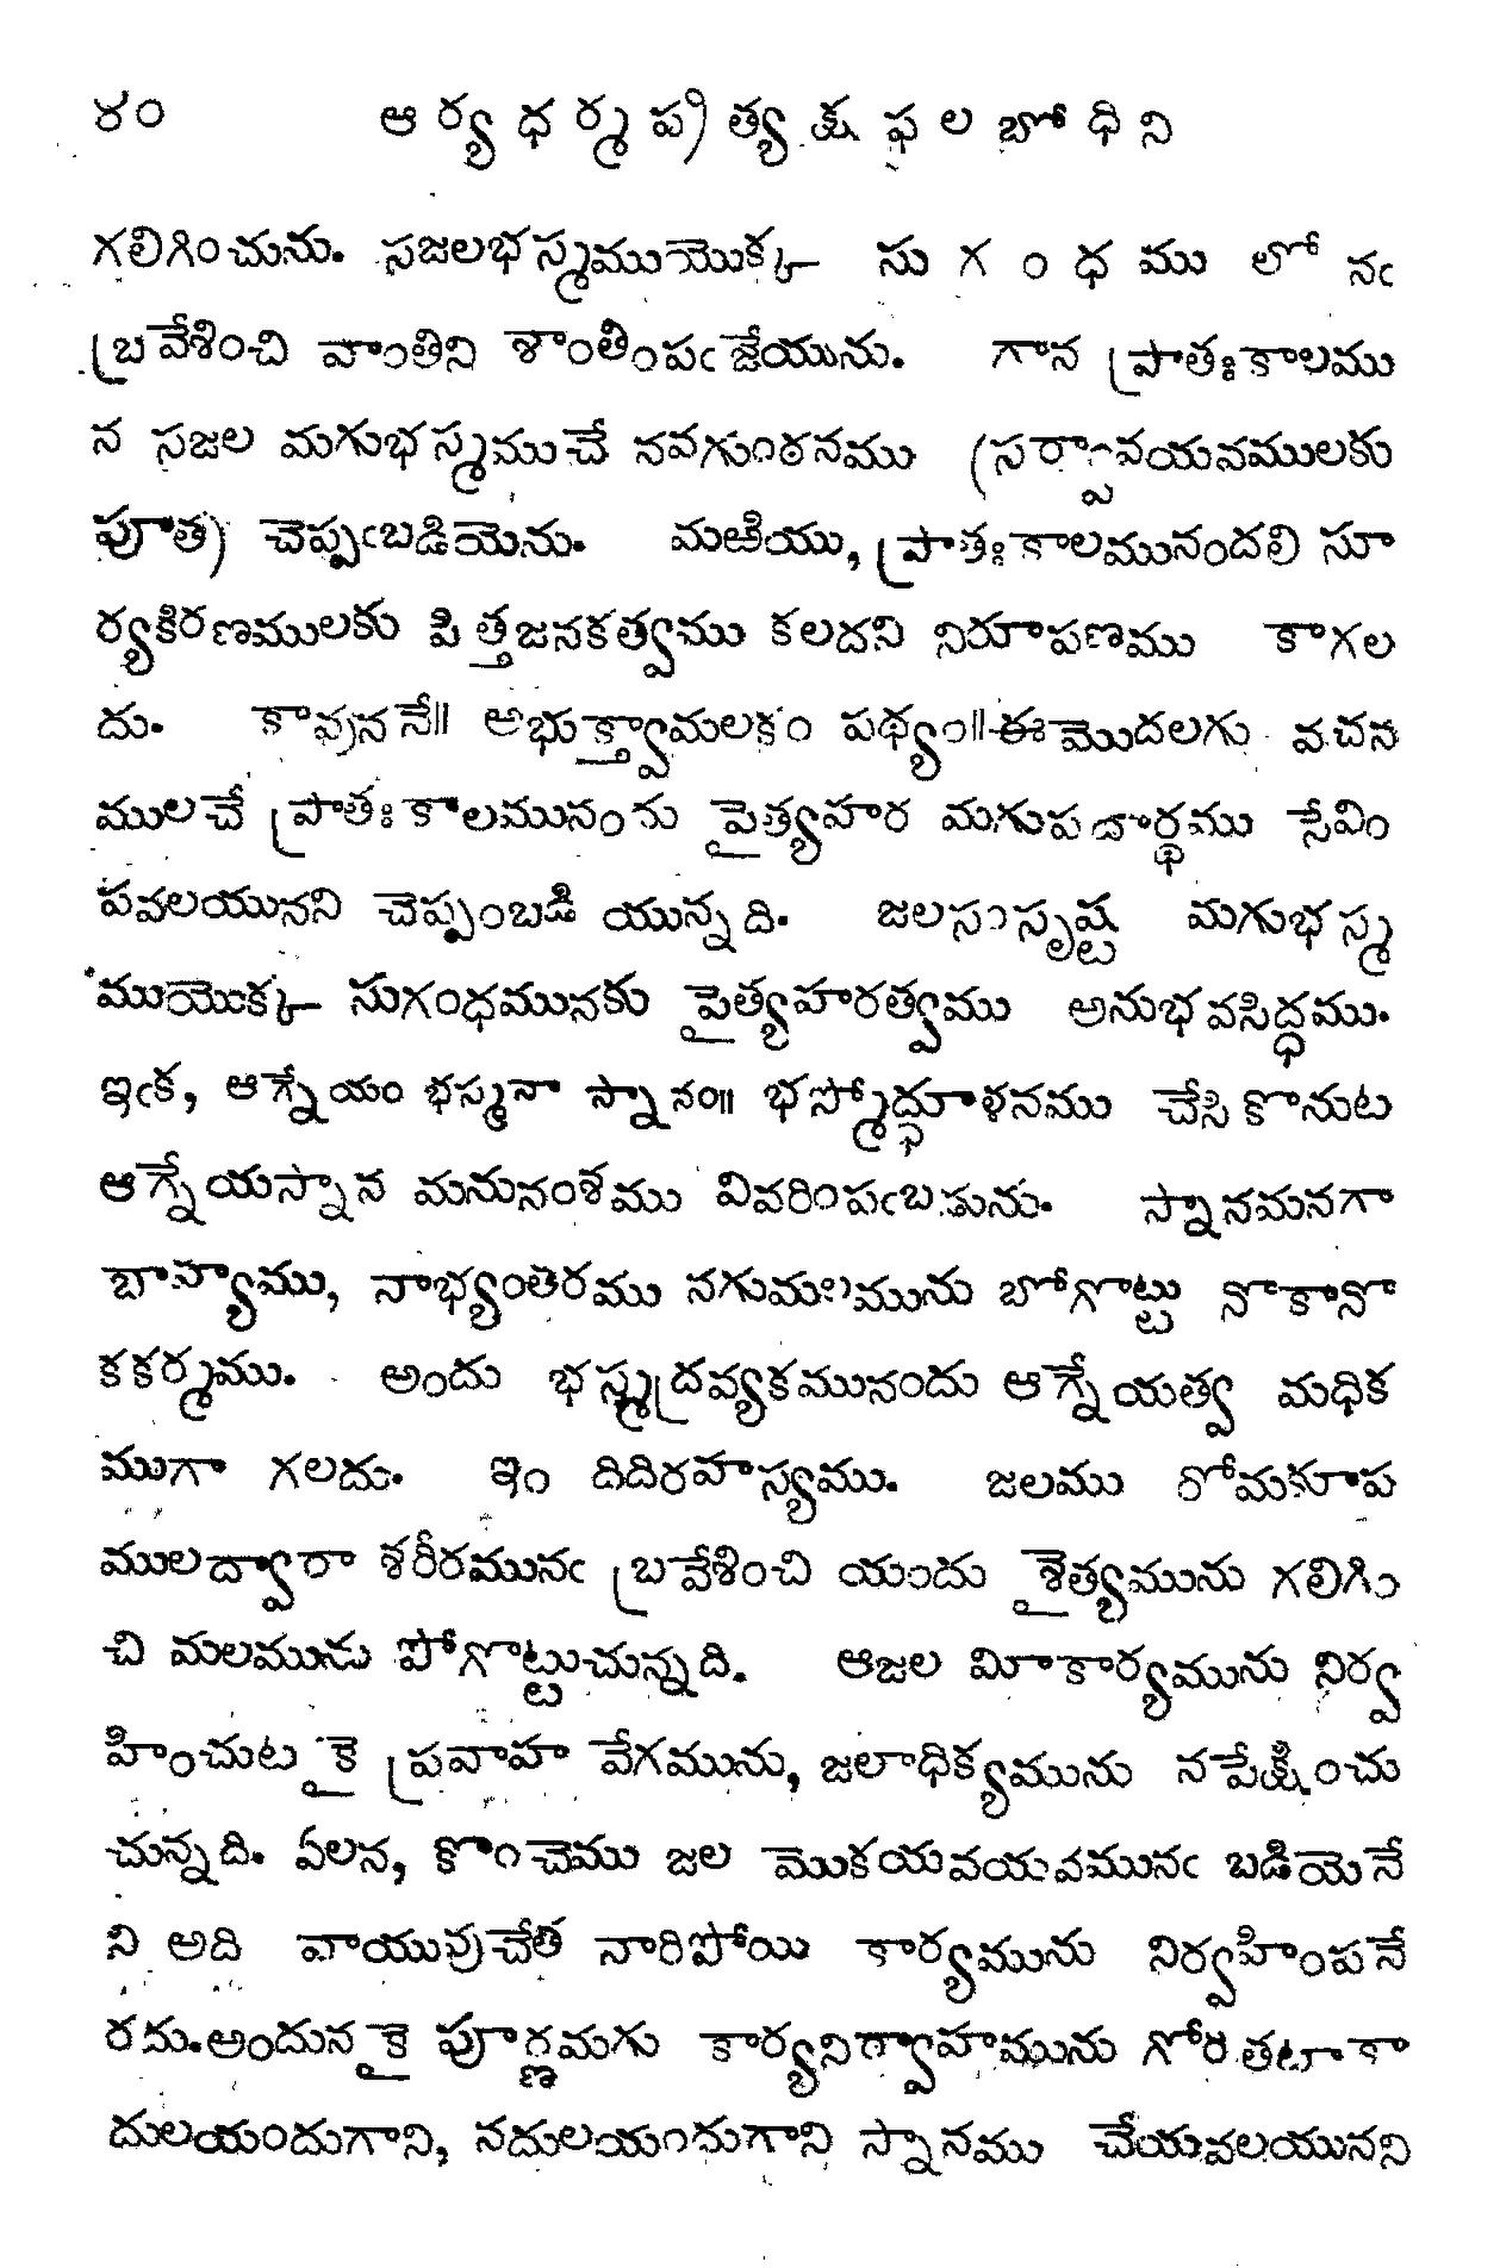గలిగించును. సజలభస్మముయొక్క సుగంధము లోనఁ బ్రవేశించి వాంతిని శాంతింపఁజేయును. గాన ప్రాతఃకాలమున సజల మగుభస్మముచే నవగుంఠనము (సర్వావయవములకు పూత) చెప్పఁబడియెను. మఱియు, ప్రాతఃకాలమునందలి సూర్యకిరణములకు పిత్తజనకత్వము కలదని నిరూపణము కాగలదు. కావుననే॥ అభుక్త్వామలకం పథ్యం॥ ఈమొదలగు వచనములచే ప్రాతఃకాలమునందు పైత్యహర మగుపదార్థము సేవింపవలయునని చెప్పంబడి యున్నది. జలసంసృష్ట మగుభస్మముయొక్క సుగంధమునకు పైత్యహరత్వము అనుభవసిద్ధము. ఇఁక, ఆగ్నేయం భస్మనా స్నానం॥ భస్మోద్ధూళనము చేసికొనుట
ఆగ్నేయస్నాన మనునంశము వివరింపఁబడును. స్నానమనగా బాహ్యము, నాభ్యంతరము నగుమలమును భోగొట్టు నొకానొకకర్మము. అందు భస్మద్రవ్యకమునందు ఆగ్నేయత్వ మధికముగా గలదు. ఇం దిదిరహస్యము. జలము రోమకూపములద్వారా శరీరమునఁ బ్రవేశించి యందు శైత్యమును గలిగించి మలమును పోగొట్టుచున్నది. ఆజల మీకార్యమును నిర్వహించుటకై ప్రవాహ వేగమును, జలాధిక్యమును నపేక్షించుచున్నది. ఏలన, కొంచెము జల మొకయవయవమునఁ బడియెనేని అది వాయువుచేత నారిపోయి కార్యమును నిర్వహింపనేరదు. అందునకై పూర్ణమగు కార్యనిర్వాహమును గోరి తటాకాదులయందుగాని, నదులయందుగాని స్నానము చేయవలయునని